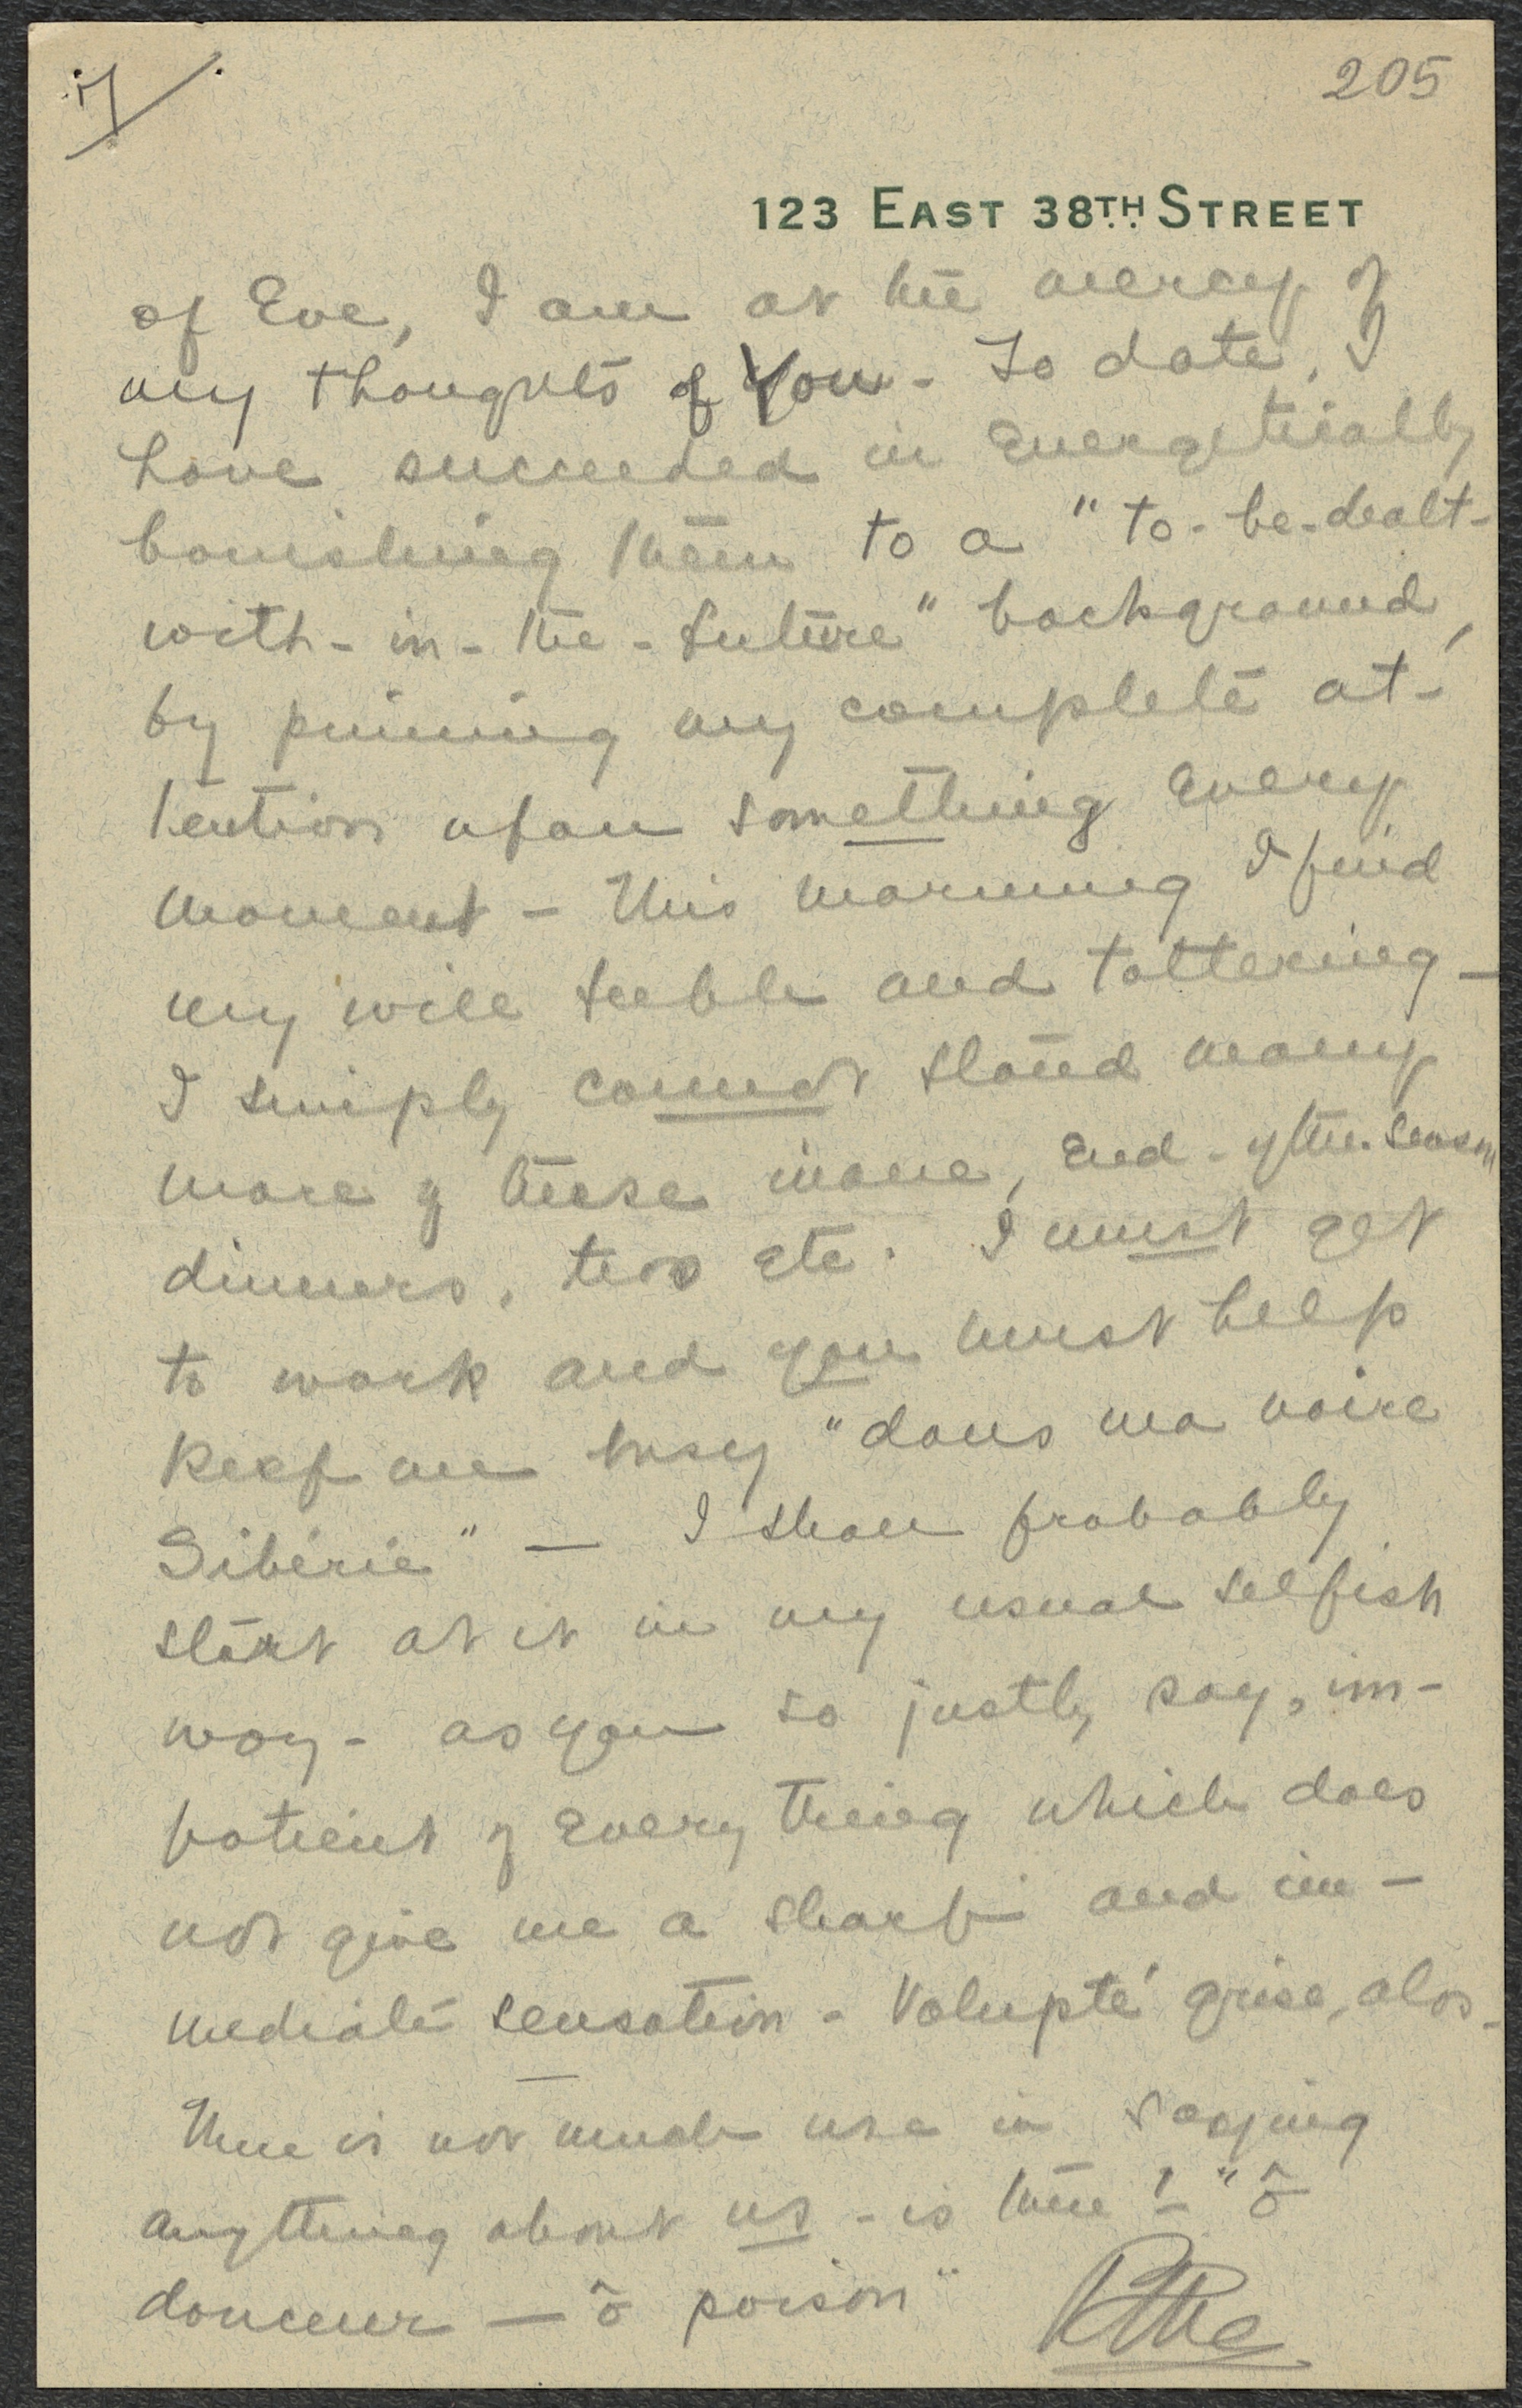of Eve, I am at the mercy of my thoughts of You – To date, I have succeed in energetically banishing them to a “to-be-dealt-with-in-the-future” background, by pinning my complete attention upon something every moment – This morning I find my will feeble and tattering I simply cannot stand many more of these inane, end-of the-season dinners, teas etc – I must get to work and you must help keep me busy “dans ma noire Siberia” – I shall probably start at it in my usual selfish way – as you so justly say, impatient of every thing which does not give me a sharp and immediate sensation – Volupté grise, alas – There is not much use in saying anything about us – is there ? “ô douceur – ô poison” Belle